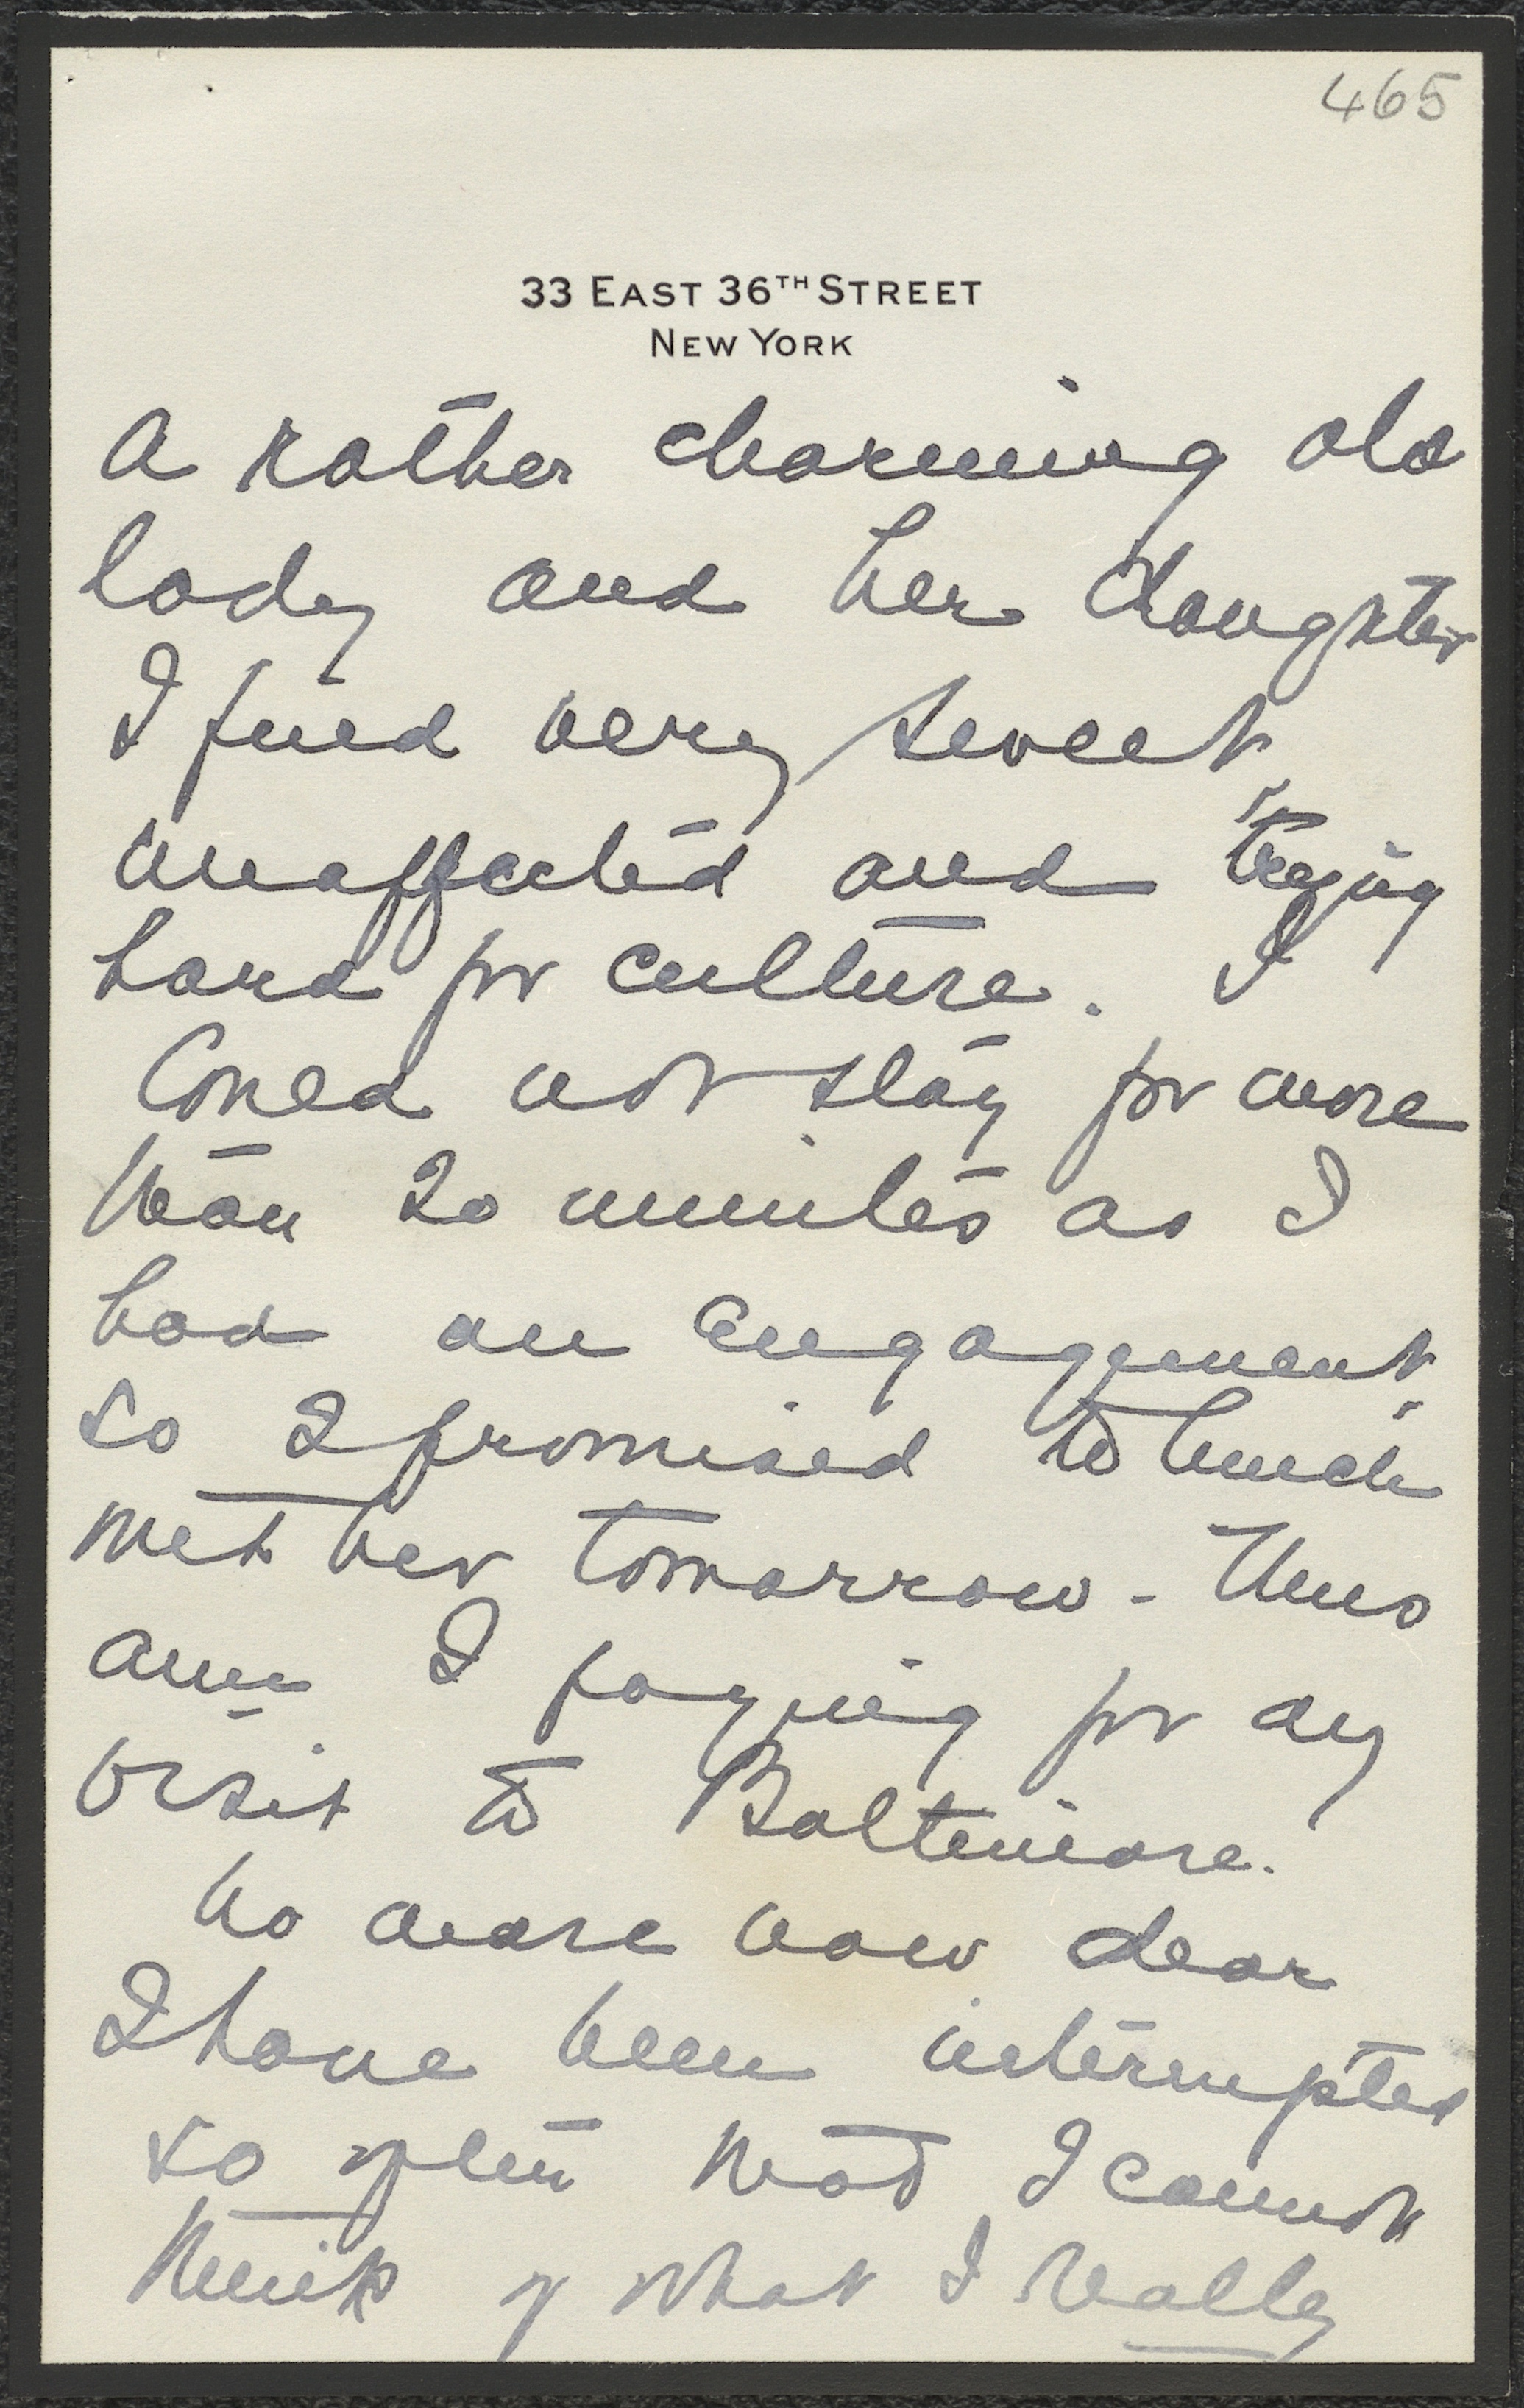a rather charming old lady and her daughter I find very sweet, unaffected and trying hard for culture.
Could not stay for more than 20 minutes as I had an engagement, so I promised to lunch with her tomorrow – Thus am I paying for my visit to Baltimore.
No more now dear
I have been interrupted so often that I cannot think of what I really